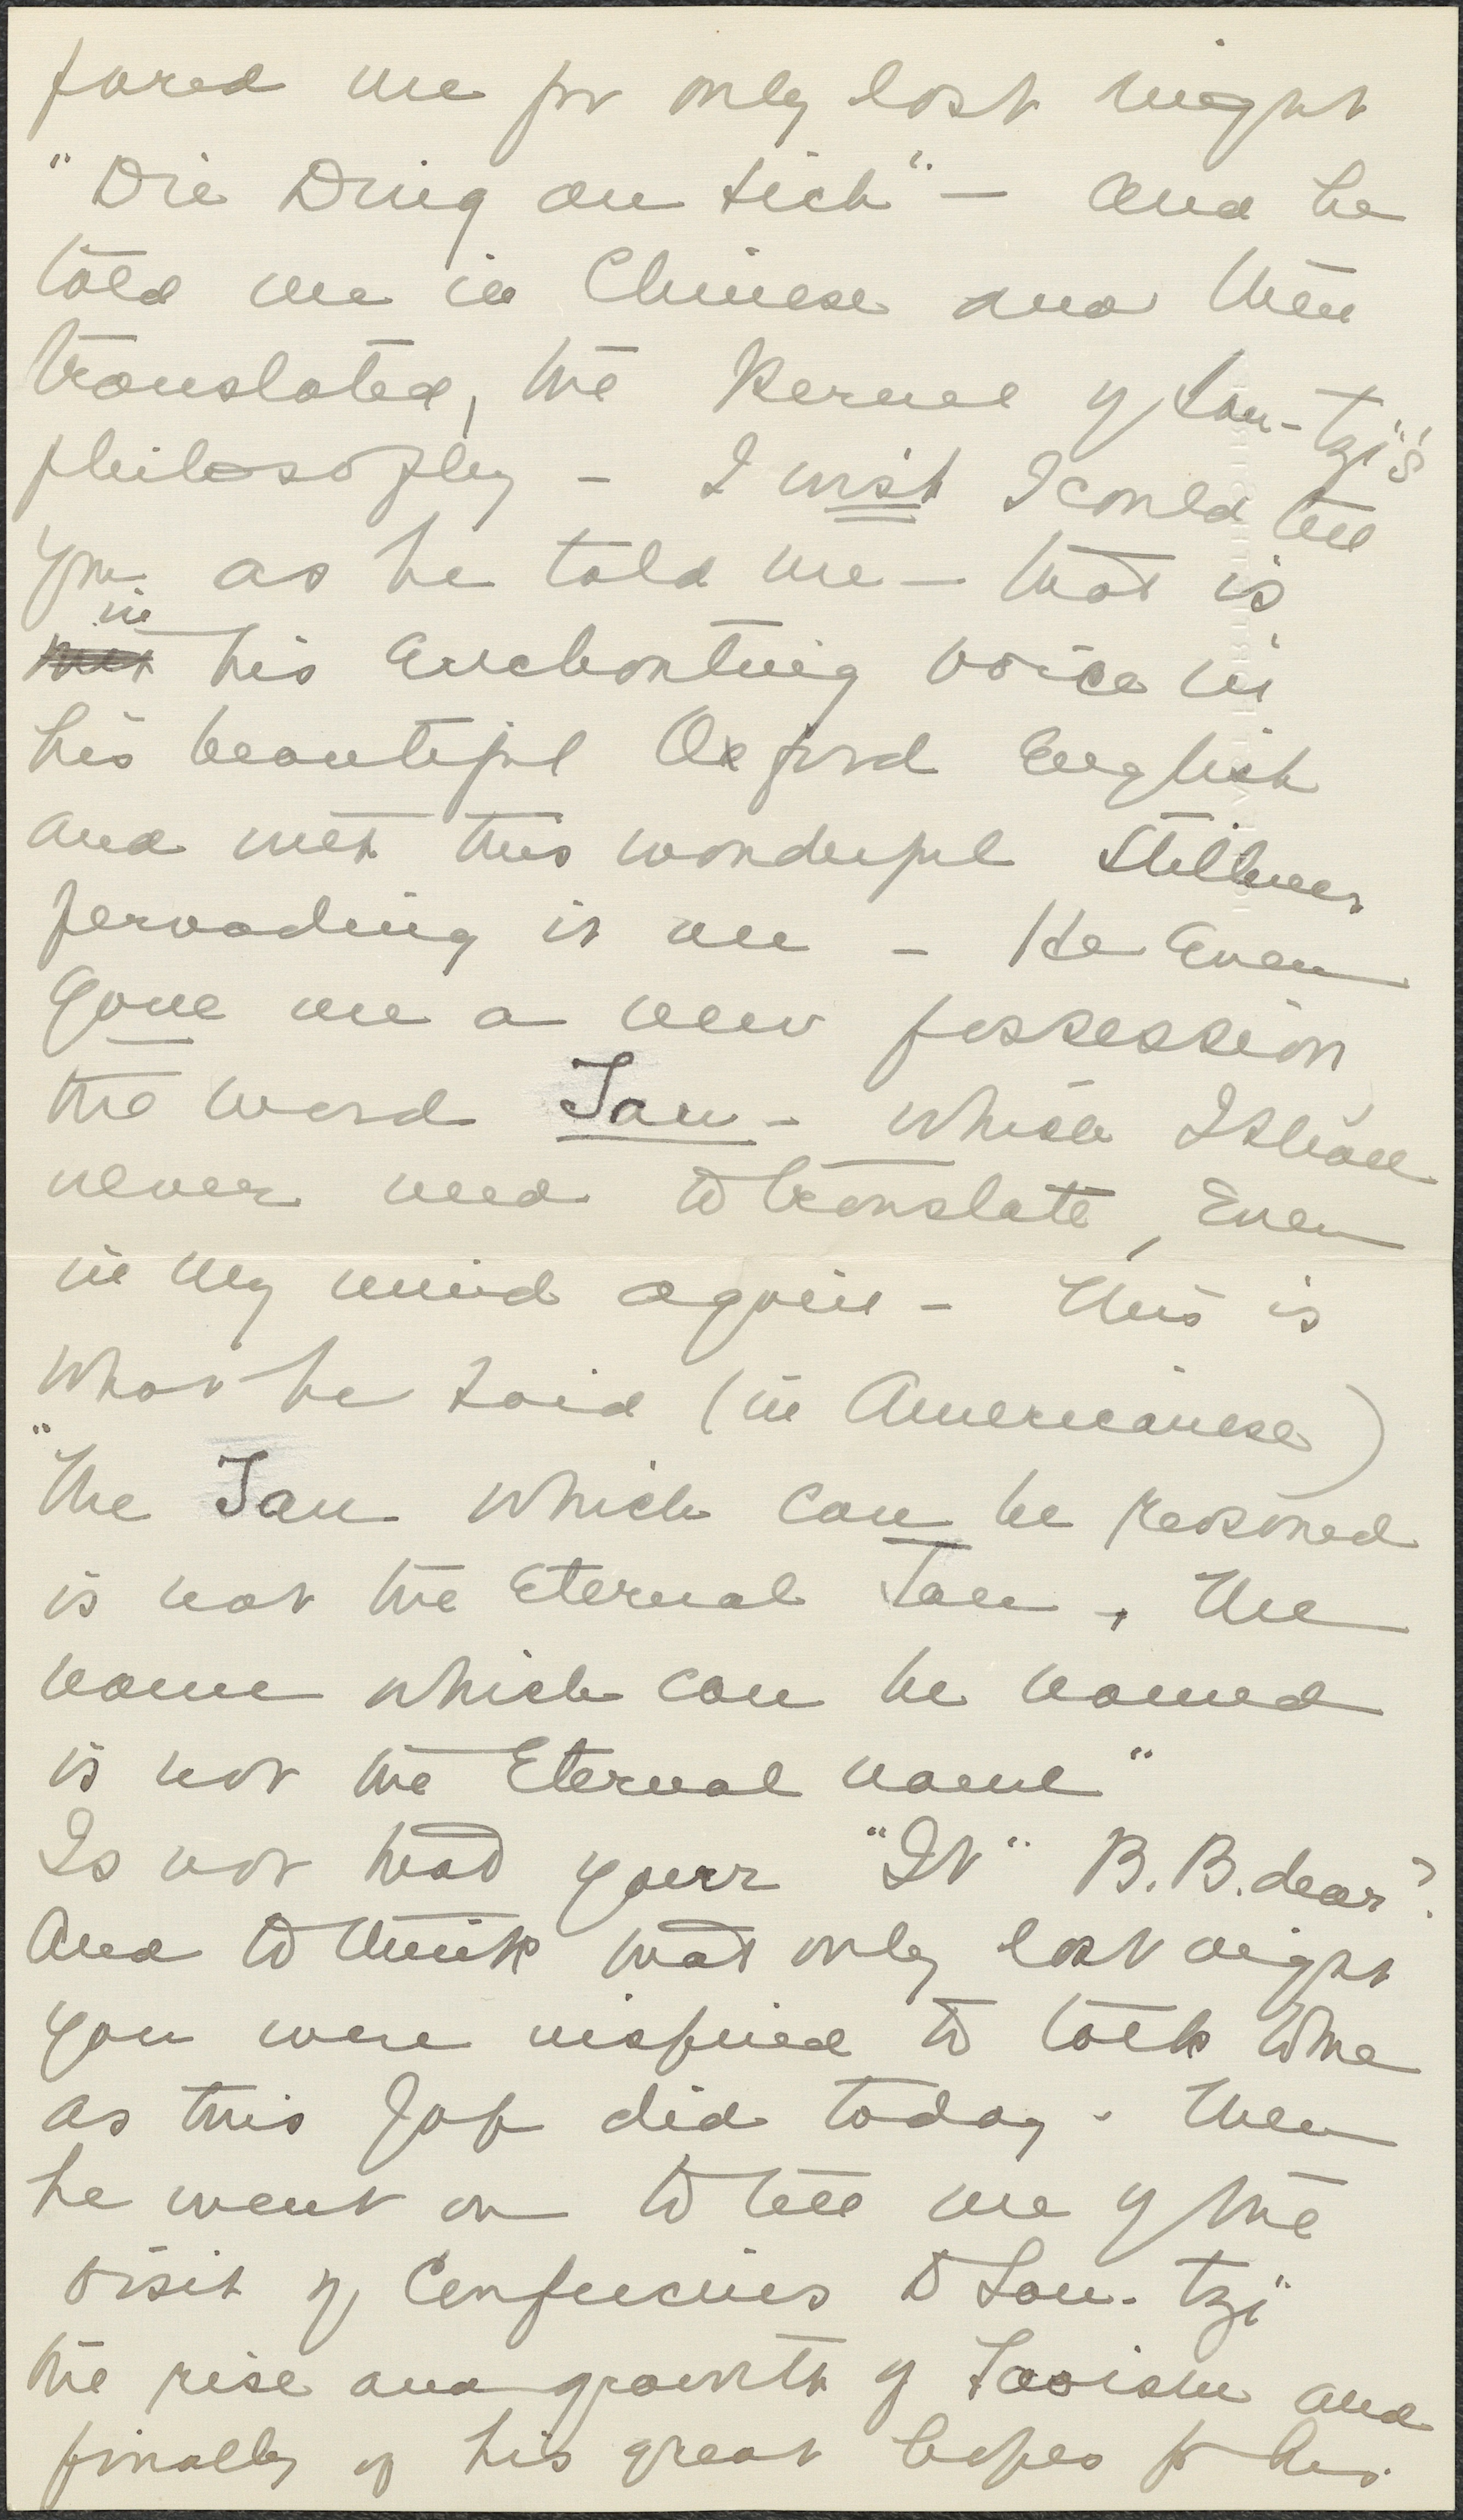pared me for only last night “Die Ding an sich” and he told me in Chinese and then translated, the kernel of San-Tzi’s philosophy – I [double underlined: wish] I could tell you as he told me – that is not [^in^] his enchanting voice in his beautiful Oxford English and with this wonderful stillness pervading it all – He even gave me a new possession, the word [written over whited-out letters: Tau] – which I shall never need to translate, even in my mind again – this is what he said (in Americanese) “the Tau which can be reasoned is not the eternal Tau, the name which can be named is not the eternal name” Is not that your “It” B.B. dear? And to think that only last night you were inspired to look to me as this Jap did today. Then he went on to tell me of the visit to Confucius to San-Tzi the rise and growth of Taoism and finally of his great hopes for his